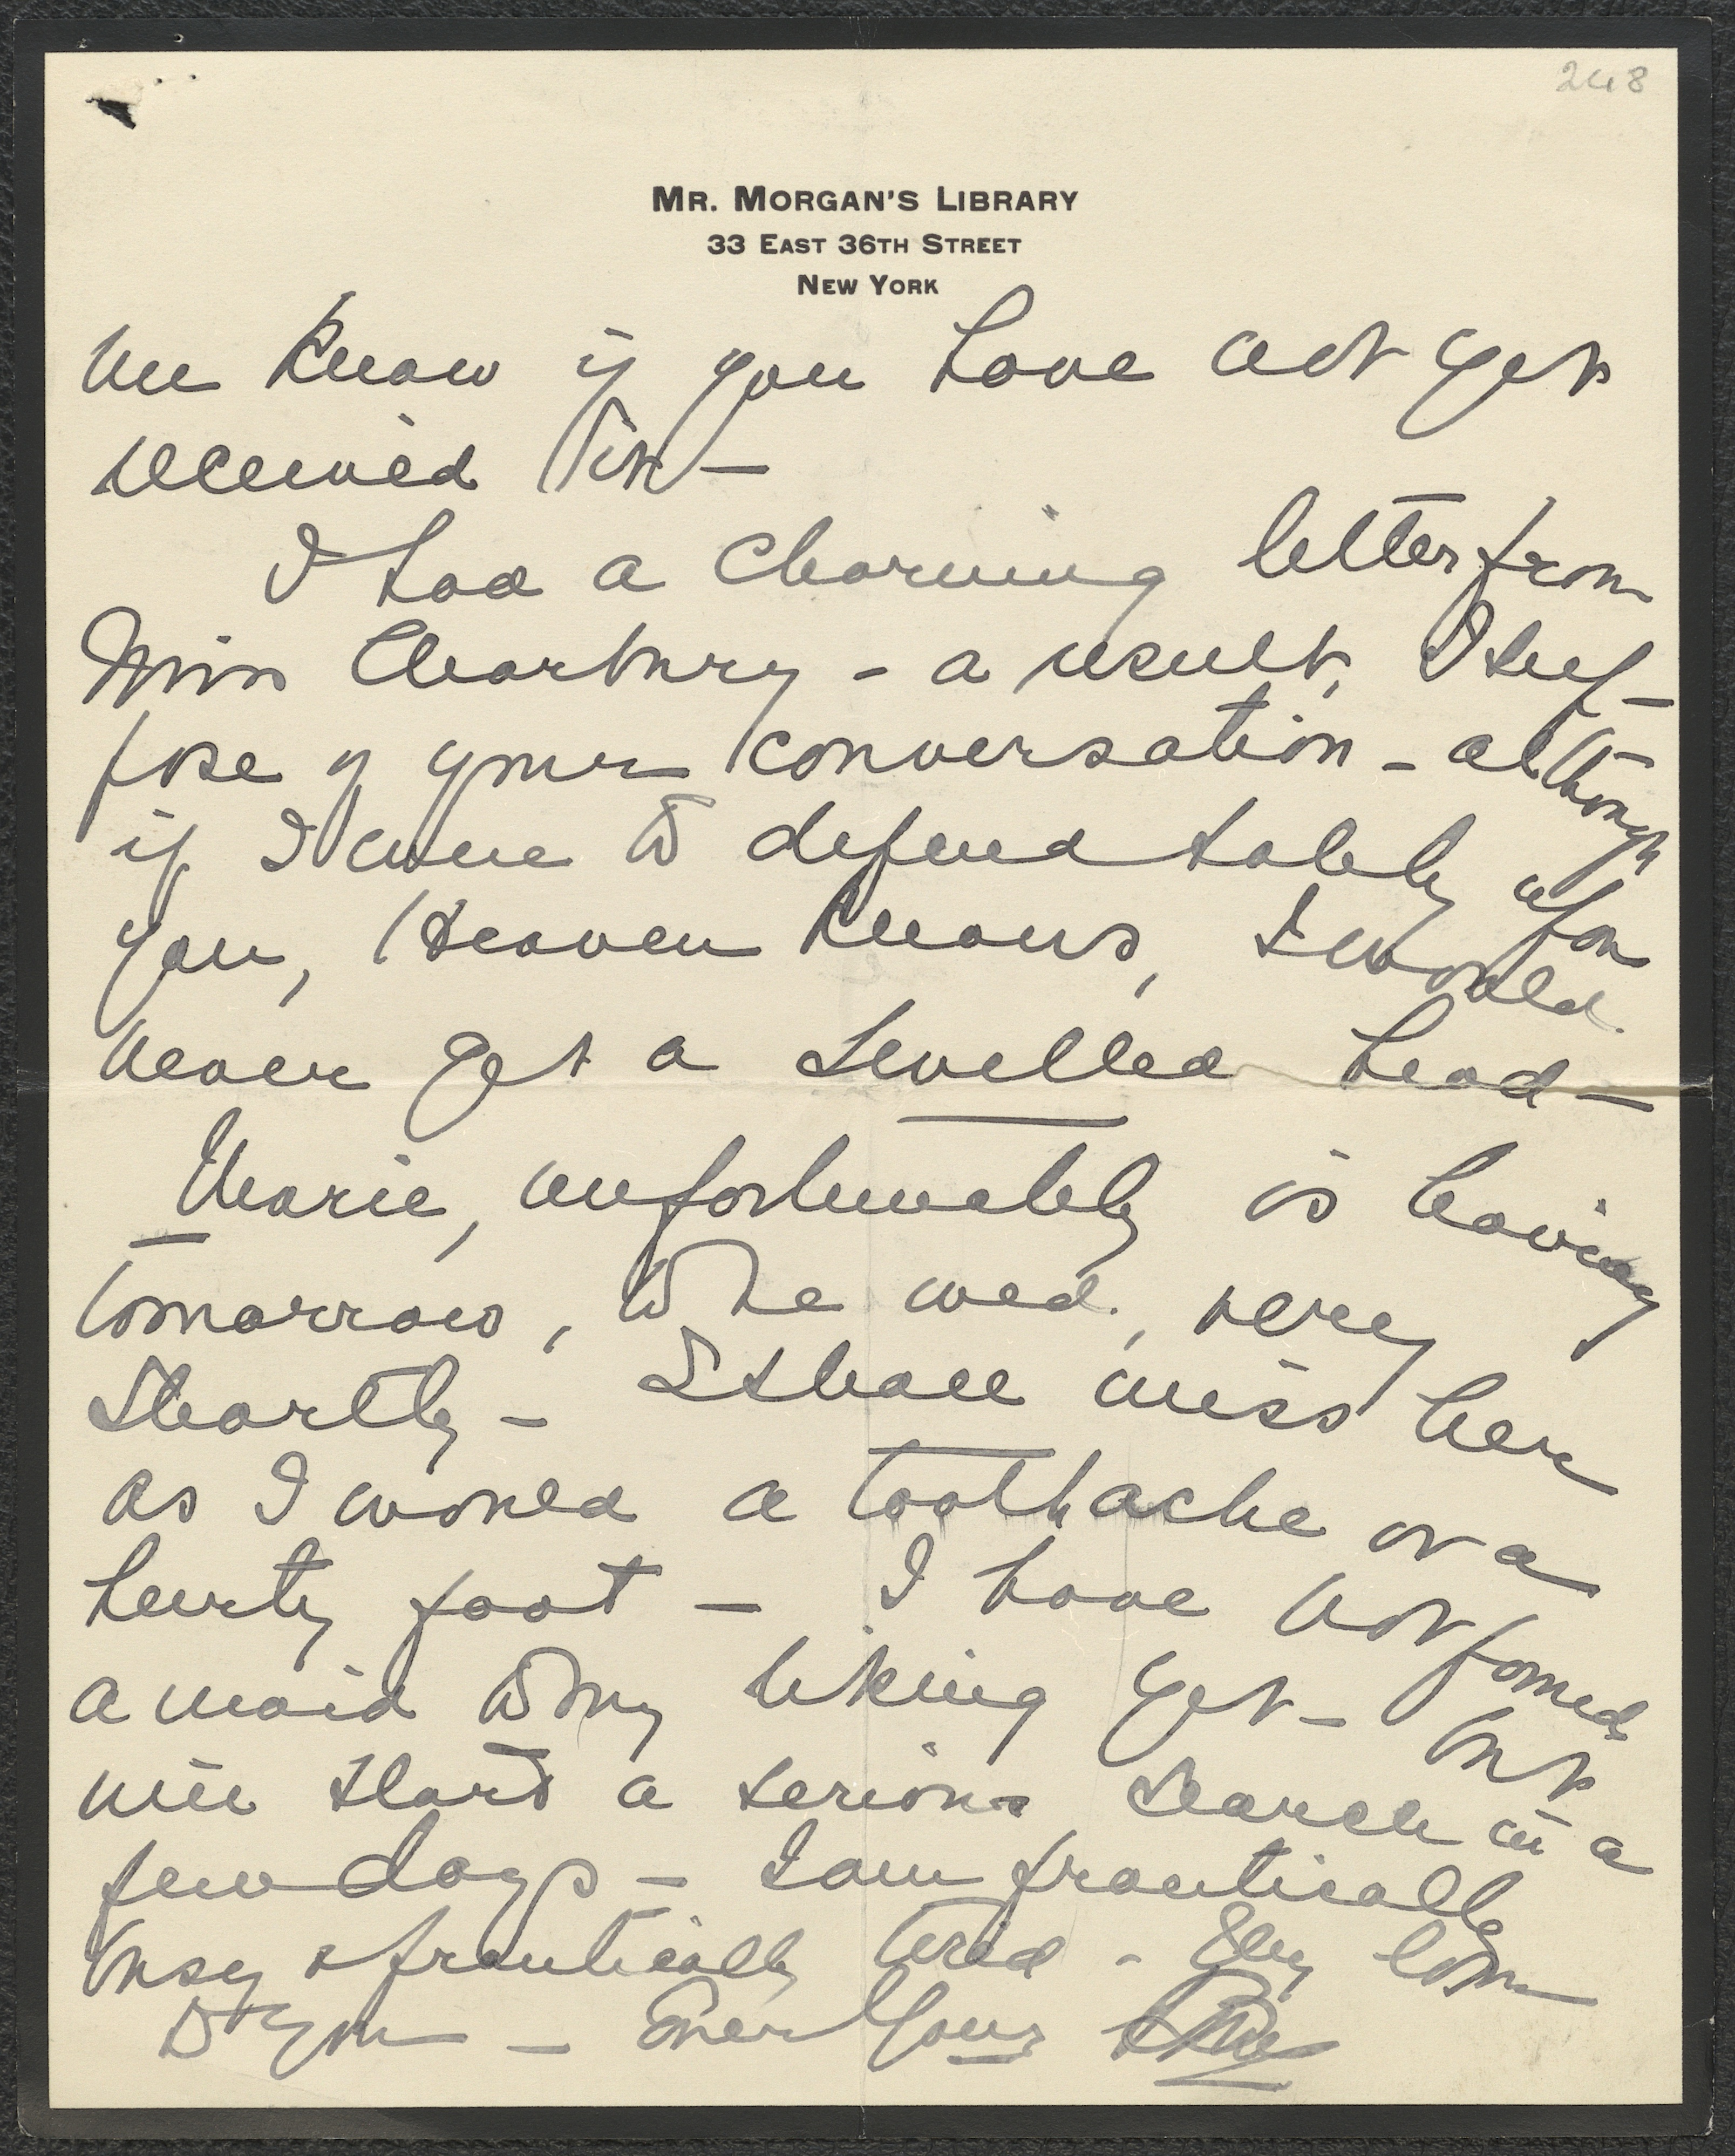me know if you have not yet received it –
I had a charming letter from Miss Marbury – a result, I suppose of your conversation – although if I were to depend solely upon you, Heaven knows, I would never get a levelled head –
Marie, unfortunately is leaving tomorrow, to be wed very shortly – I shall miss her as I would a toothache or a hurty foot – I have not found a maid to my liking yet – but will start a serious search in a few days – I am frantically busy & frantically tired – My love to you – Ever Your Belle